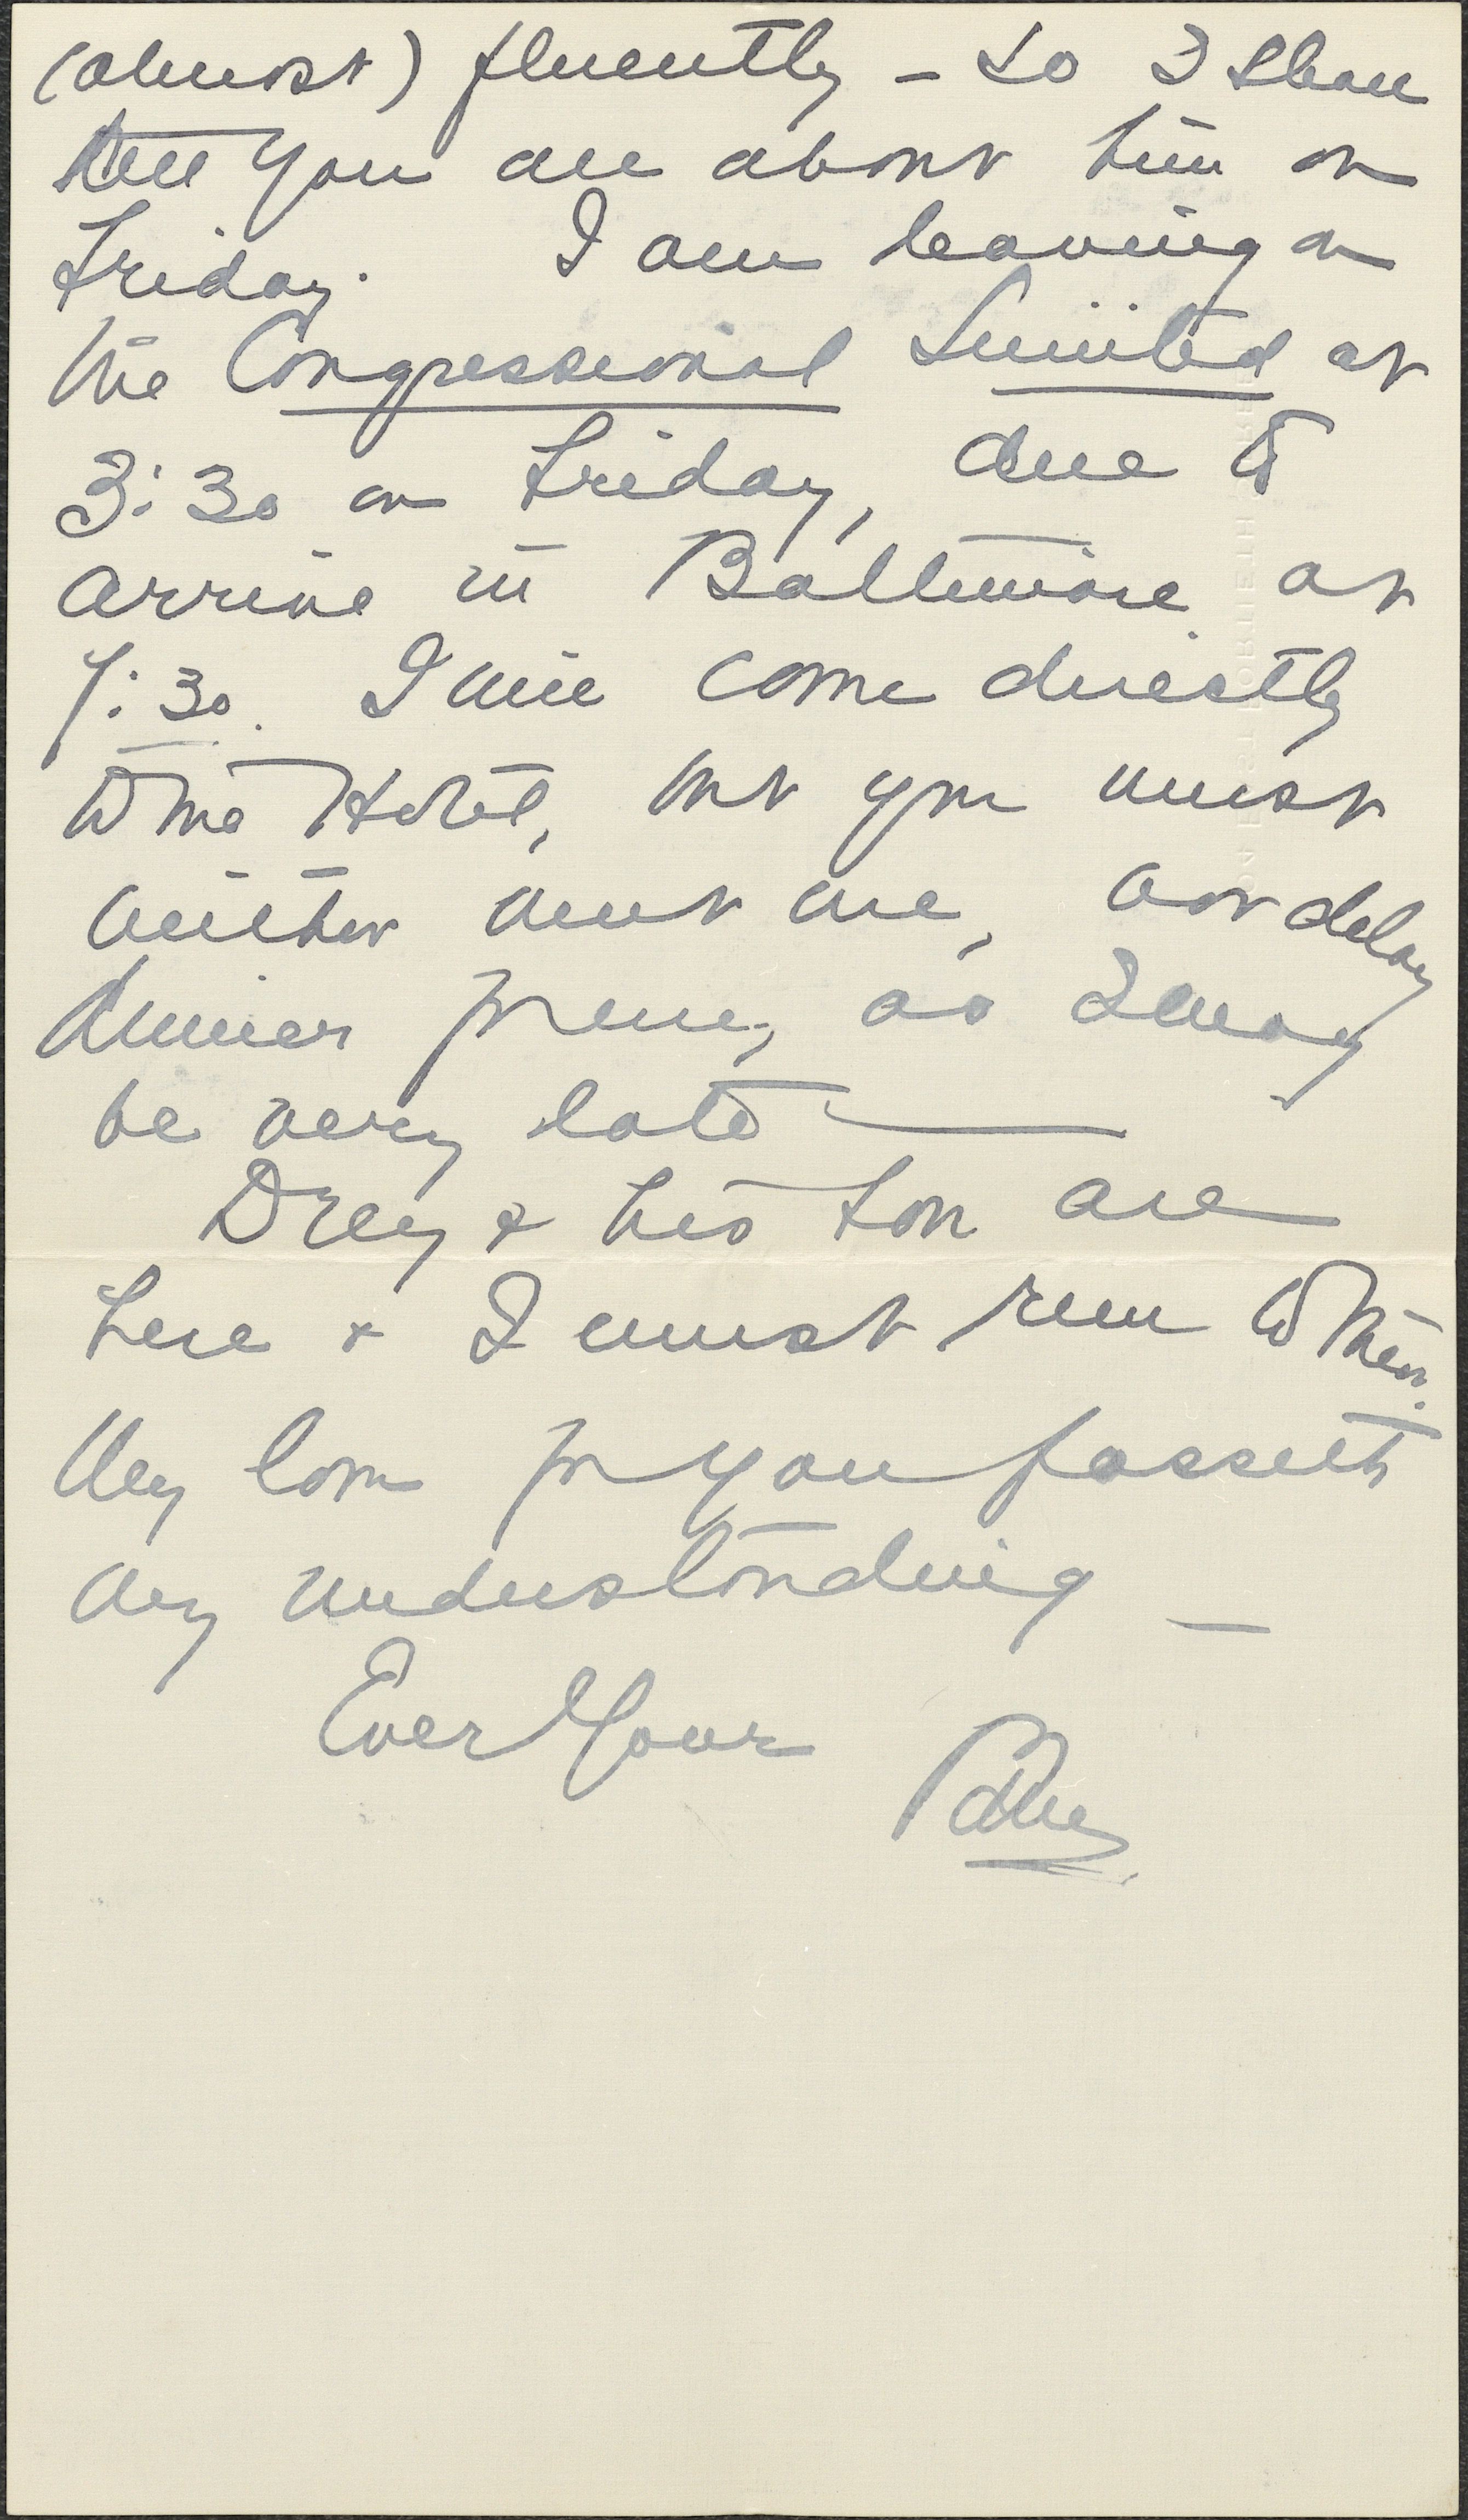(almost) fluently – so I shall tell you all about him on Friday. I am leaving on the Congressional Limited at 3:30 on Friday, due to arrive in Baltimore at 7:30. I will come directly to the Hotel, but you must neither meet me, nor delay dinner for me, as I may be very late –
Drey & his son are here & I must run to them. My love to you passeth my understanding –
Ever Your Belle